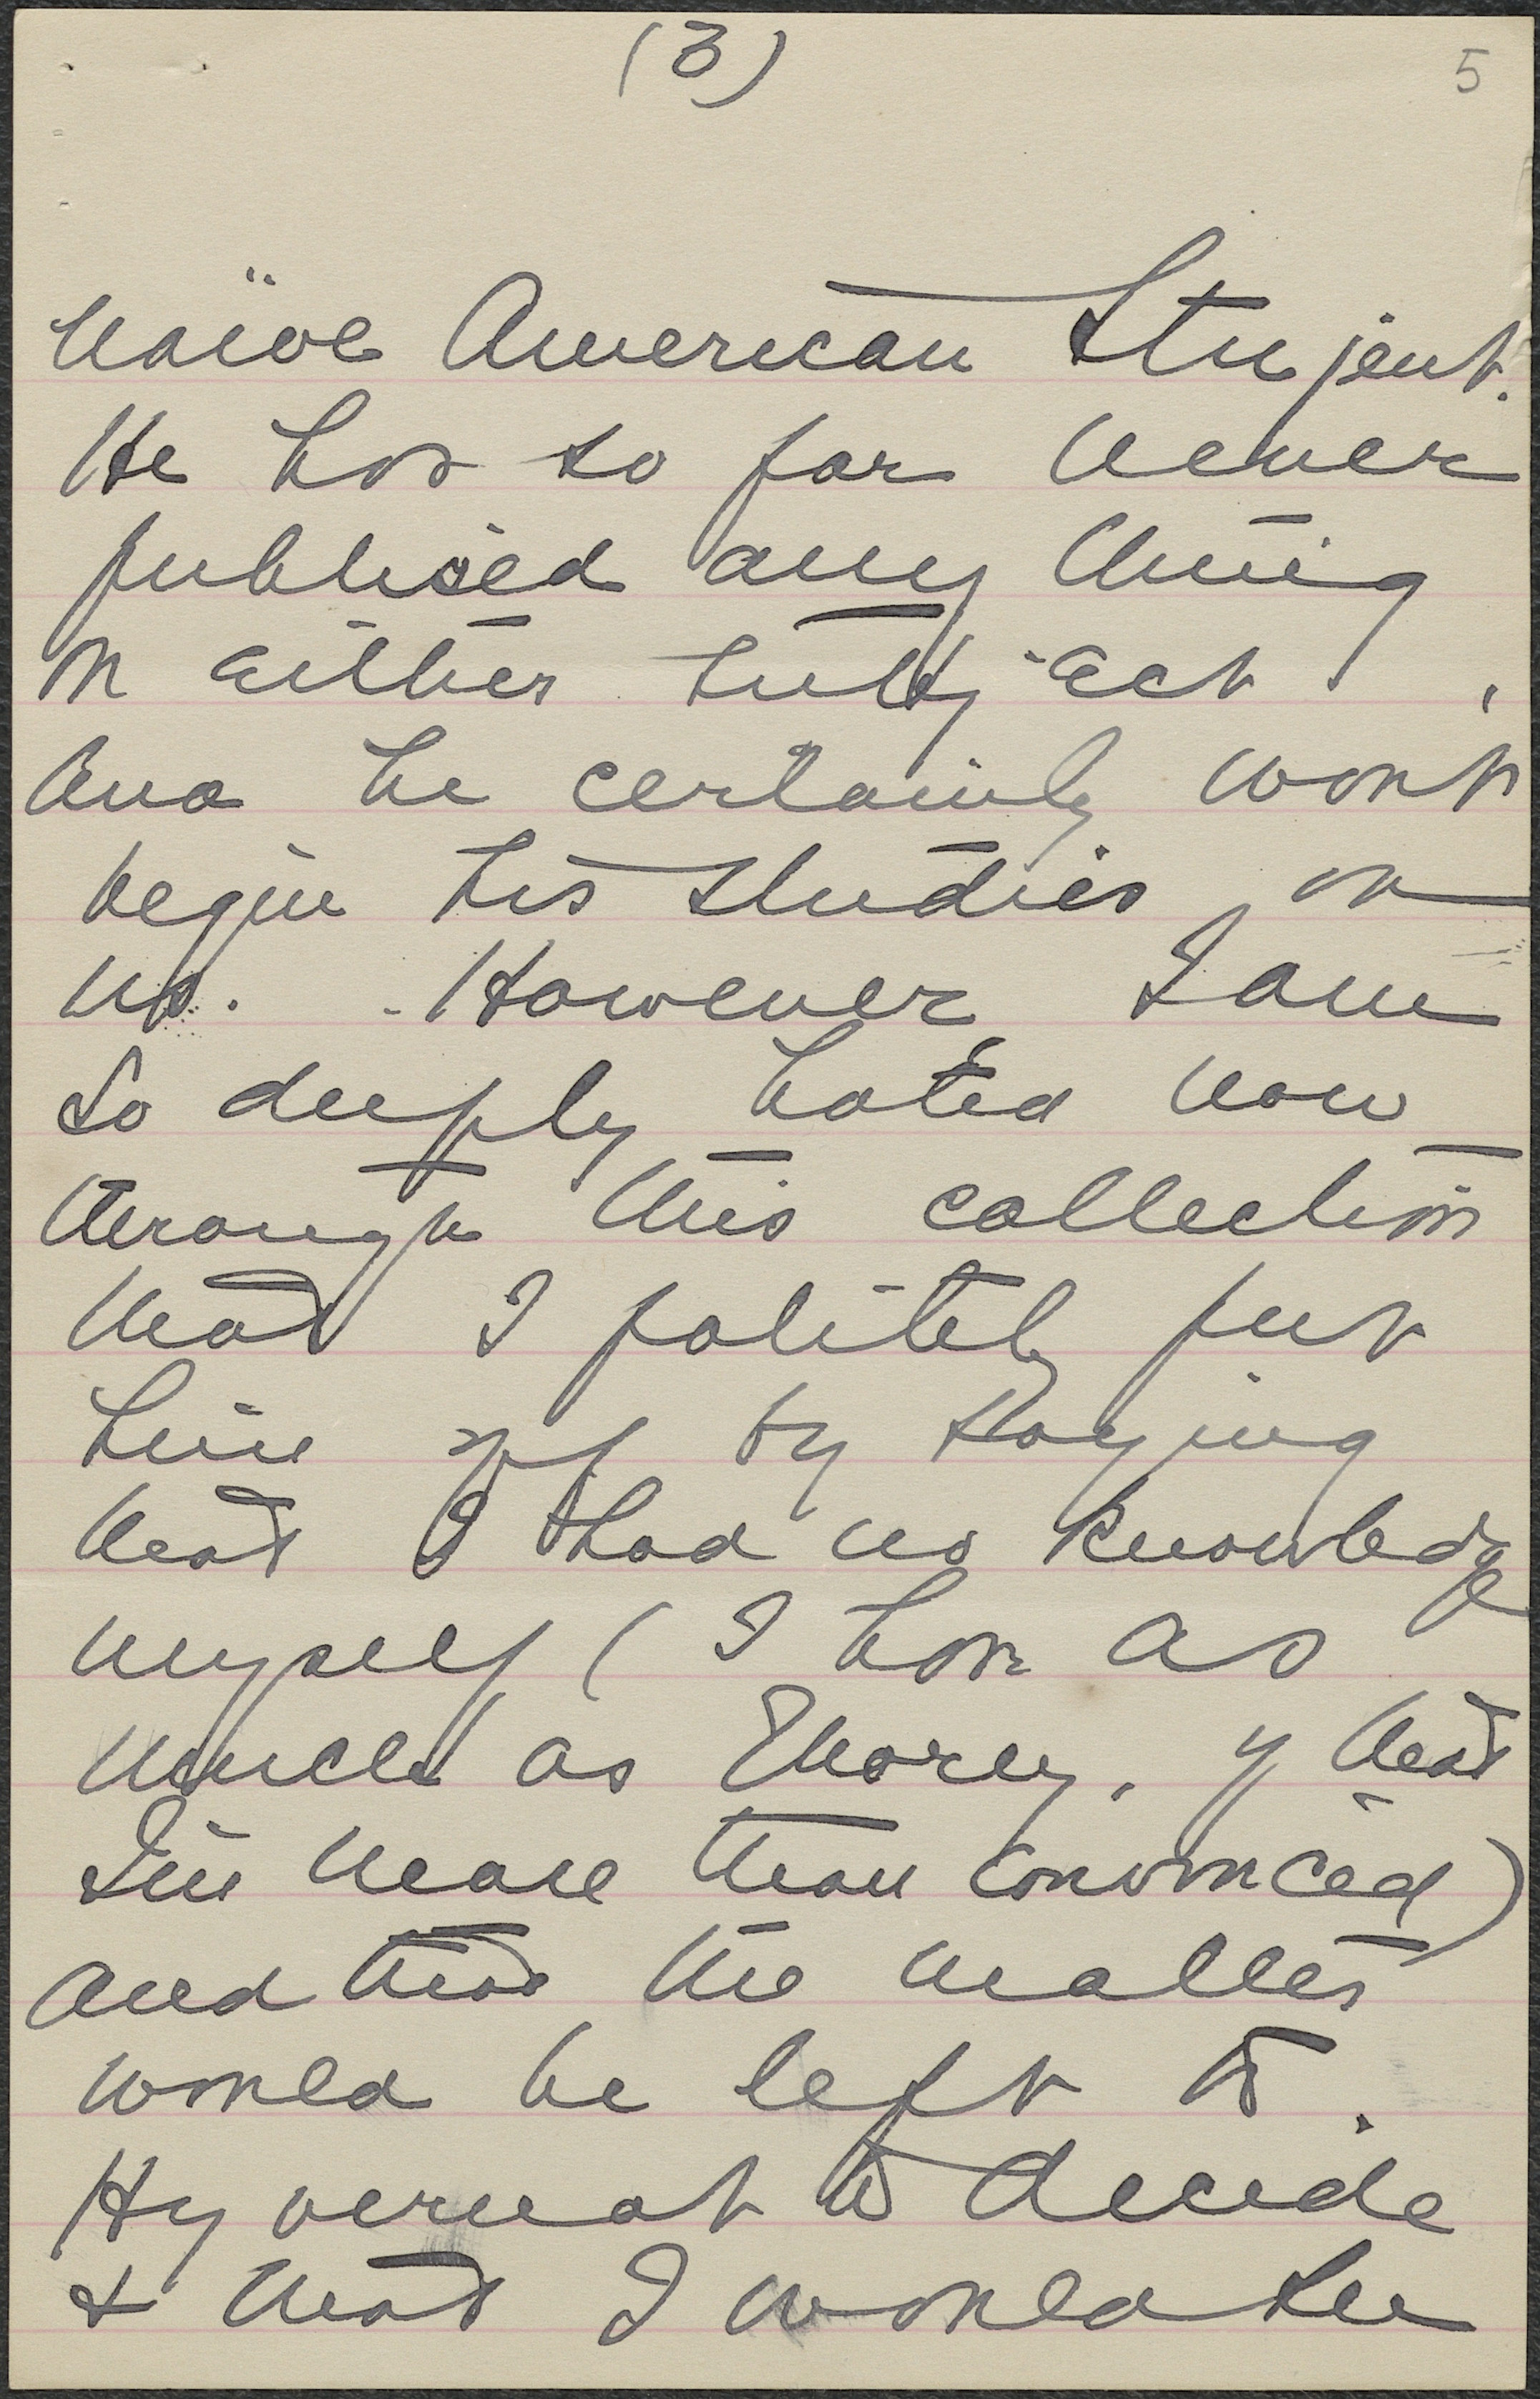(3)
naïve American Stujent. He has so far never publised [sic] any thing on either subject and he certainly won’t begin his studies on us. However I am so deeply hated now through this collection that I politely put him off by saying that I had no knowledge myself (I have as much as Morey, of that I’m more than convinced) and that the matter would be left to Hyvernat to decide & that I would see